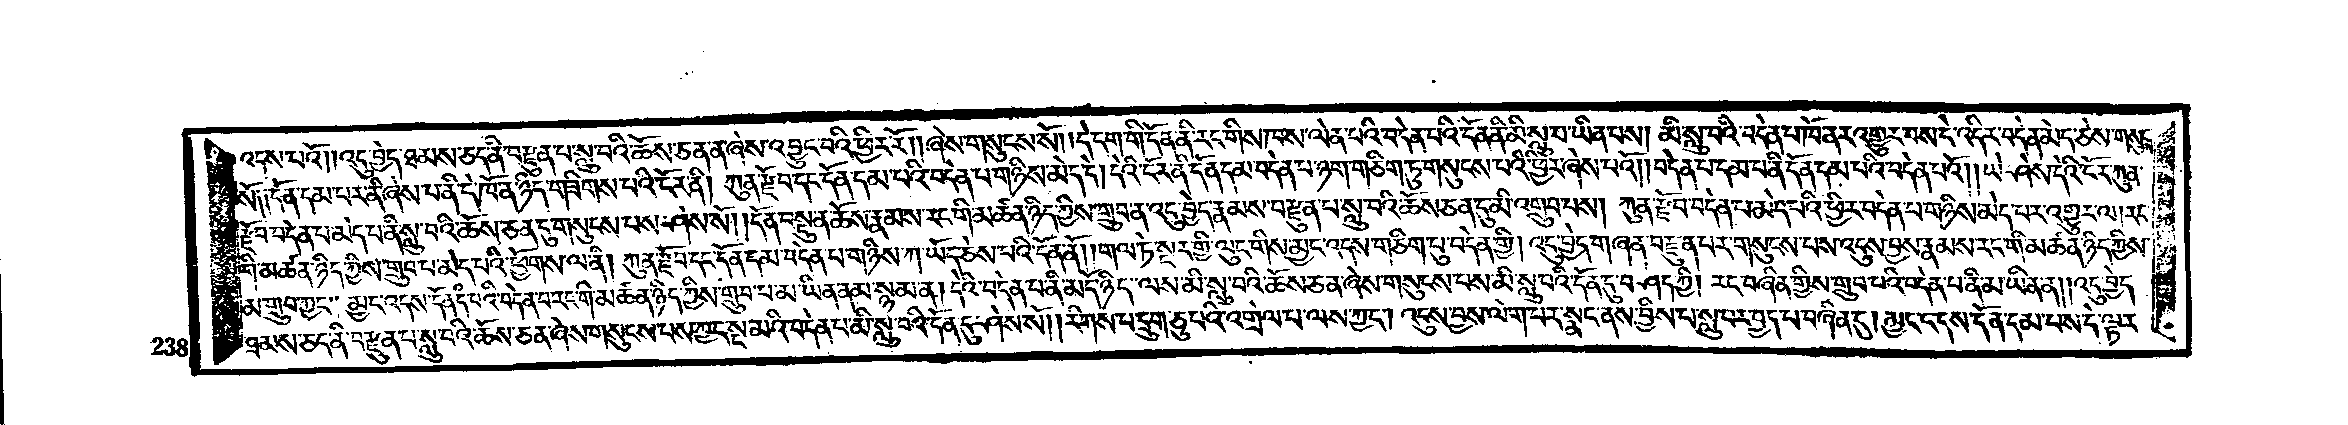འདས་པའོ། །འདུ་བྱེད་ཐམས་ཅད་ནི་བརྫུན་པ་སླུ་བའི་ཆོས་ཅན་ན་ཞེས་འབྱུང་བའི་ཕྱིར་རོ། །ཞེས་གསུངས་སོ། །དེ་དག་གི་དོན་ནི་རང་གིས་ཁས་ལེན་པའི་བདེན་པའི་དོན་ནི་མི་སླུ་བ་ཡིན་པས། མི་སླུ་བའི་བདེན་པ་ཁོ་ནར་འགྱུར་བས་དེ་འདིར་བདེན་མོད་ཅེས་གསུངས་
སོ། །དོན་དམ་པར་ནི་ཞེས་པ་ནི་དེ་ཁོ་ན་ཉིད་གཟིགས་པའི་ངོར་ནི། ཀུན་རྫོབ་དང་དོན་དམ་པའི་བདེན་པ་གཉིས་མེད་དེ། དེའི་ངོར་ནི་དོན་དམ་བདེན་པ་ཉག་གཅིག་ཏུ་གསུངས་པའི་ཕྱིར་ཞེས་པའོ། །བདེན་པ་དམ་པ་ནི་དོན་དམ་པའི་བདེན་པའོ། །ཡེ་ཤེས་དེའི་ངོར་ཀུན་
རྫོབ་བདེན་པ་མེད་པ་ནི་སླུ་བའི་ཆོས་ཅན་དུ་གསུངས་པས་ཤེས་སོ། །དོན་བསྡུ་ན་ཆོས་རྣམས་རང་གི་མཚན་ཉིད་ཀྱིས་གྲུབ་ན་འདུ་བྱེད་རྣམས་བརྫུན་པ་སླུ་བའི་ཆོས་ཅན་དུ་མི་འགྲུབ་པས། ཀུན་རྫོབ་བདེན་པ་མེད་པའི་ཕྱིར་བདེན་པ་གཉིས་མེད་པར་འགྱུར་ལ། རང་
གི་མཚན་ཉིད་ཀྱིས་གྲུབ་པ་མེད་པའི་ཕྱོགས་ལ་ནི། ཀུན་རྫོབ་དང་དོན་དམ་བདེན་པ་གཉིས་ཀ་ཡོད་ཅེས་པའི་དོན་ནོ། །གལ་ཏེ་སྔར་གྱི་ལུང་གིས་མྱང་འདས་གཅིག་པུ་བདེན་གྱི། འདུ་བྱེད་གཞན་བརྫུན་པར་གསུངས་པས་འདུས་བྱས་རྣམས་རང་གི་མཚན་ཉིད་ཀྱིས་
མ་གྲུབ་ཀྱང་། མྱང་འདས་དོན་དམ་པའི་བདེན་པ་རང་གི་མཚན་ཉིད་ཀྱིས་གྲུབ་པ་མ་ཡིན་ནམ་སྙམ་ན། དེའི་བདེན་པ་ནི་མདོ་ཉིད་ལས་མི་སླུ་བའི་ཆོས་ཅན་ཞེས་གསུངས་པས་མི་སླུ་བའི་དོན་དུ་བཤད་ཀྱི། རང་བཞིན་གྱིས་གྲུབ་པའི་བདེན་པ་ནི་མ་ཡིན་ན། །འདུ་བྱེད་
ཐམས་ཅད་ནི་བརྫུན་པ་སླུ་བའི་ཆོས་ཅན་ཞེས་གསུངས་པས་ཀྱང་སྔ་མའི་བདེན་པ་མི་སླུ་བའི་དོན་དུ་ཤེས་སོ། །རིགས་པ་དྲུག་ཅུ་པའི་འགྲེལ་པ་ལས་ཀྱང་། འདུས་བྱས་ལོག་པར་སྣང་ནས་བྱིས་པ་སླུ་བར་བྱད་པ་བཞིན་དུ། མྱང་འདས་དོན་དམ་པས་དེ་ལྟར་